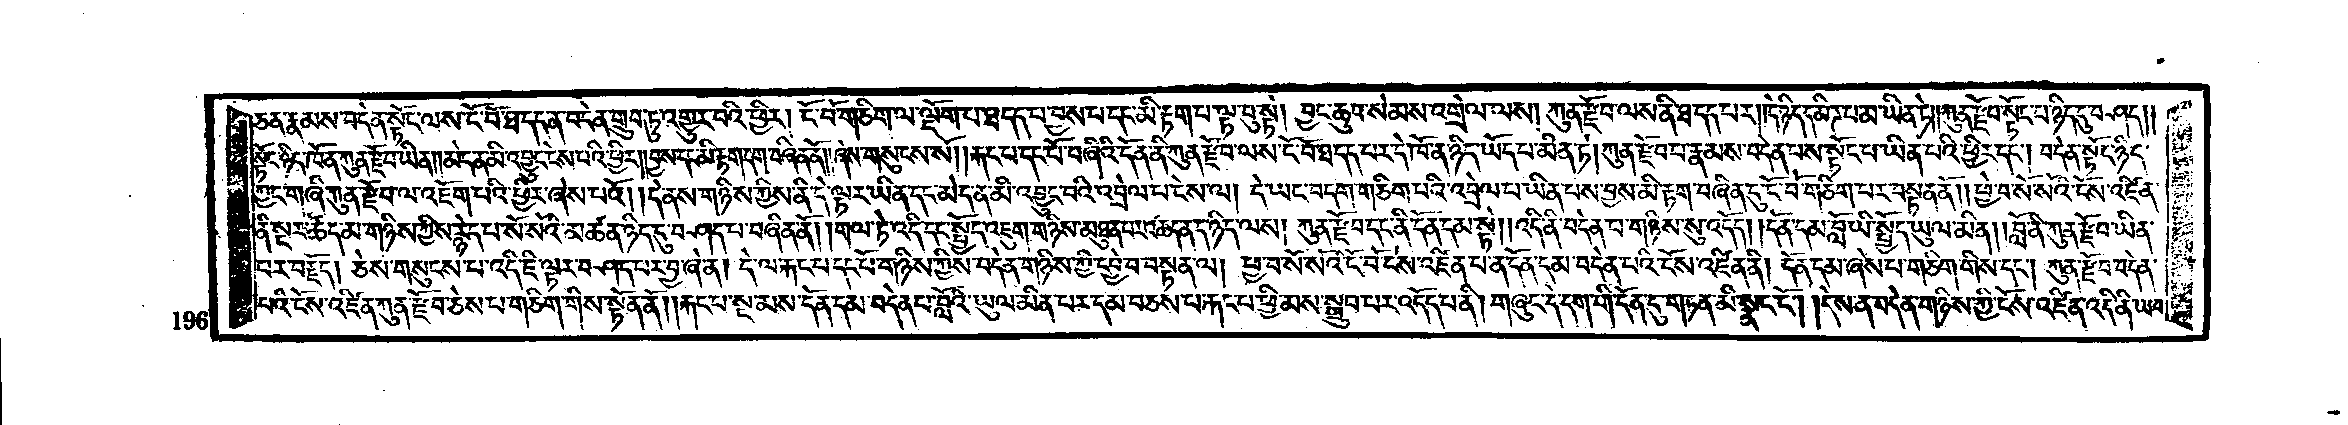ཅན་རྣམས་བདེན་སྟོང་ལས་ངོ་བོ་ཐ་དད་ན་བདེན་གྲུབ་ཏུ་འགྱུར་པའི་ཕྱིར། ངོ་བོ་གཅིག་ལ་ལྡོག་པ་ཐ་དད་པ་བྱས་པ་དང་མི་རྟག་པ་ལྟ་བུ་སྟེ། བྱང་ཆུབ་སེམས་འགྲེལ་ལས། ཀུན་རྫོབ་ལས་ནི་ཐ་དད་པར། །དེ་ཉིད་དམིགས་པ་མ་ཡིན་ཏེ། །ཀུན་རྫོབ་སྟོང་པ་ཉིད་དུ་བཤད། །
སྟོང་ཉིད་ཁོ་ན་ཀུན་རྫོབ་ཡིན། མེད་ན་མི་འབྱུང་ངེས་པའི་ཕྱིར། །བྱས་དང་མི་རྟག་དག་བཞིན་ནོ། །ཞེས་གསུངས་སོ། །རྐང་པ་དང་པོ་བཞིའི་དོན་ནི་ཀུན་རྫོབ་ལས་ངོ་བོ་ཐ་དད་པར་དེ་ཁོ་ན་ཉིད་ཡོད་པ་མིན་ཏེ། ཀུན་རྫོབ་པ་རྣམས་བདེན་པས་སྟོང་པ་ཡིན་པའི་ཕྱིར་དང་། བདེན་སྟོང་ཉིད་
ཀྱང་གཞི་ཀུན་རྫོབ་ལ་འཇོག་པའི་ཕྱིར་ཞེས་པའོ། །དེ་ནས་གཉིས་ཀྱིས་ནི་དེ་ལྟར་ཡིན་དང་མེད་ན་མི་འབྱུང་བའི་འབྲེལ་པ་ངེས་ལ། དེ་ཡང་བདག་གཅིག་པའི་འབྲེལ་པ་ཡིན་པས་བྱས་མི་རྟག་བཞིན་དུ་ངོ་བོ་གཅིག་པར་བསྟན་ནོ། །ཕྱེ་བ་སོ་སོའི་ངོས་འཛིན་
ནི་སྔར་ཚད་མ་གཉིས་ཀྱིས་རྙེད་པ་སོ་སོའི་མཚན་ཉིད་དུ་བཤད་པ་བཞིན་ནོ། །གལ་ཏེ་འདི་དང་སྤྱོད་འཇུག་གཉིས་མཐུན་པར་འཆད་ན་དེ་ཉིད་ལས། ཀུན་རྫོབ་དང་ནི་དོན་དམ་སྟེ། །འདི་ནི་བདེན་པ་གཉིས་སུ་འདོད། །དོན་དམ་བློ་ཡི་སྤྱོད་ཡུལ་མིན། །བློ་ནི་ཀུན་རྫོབ་ཡིན་
པར་བརྗོད། ཅེས་གསུངས་པ་འདི་ཇི་ལྟར་བཤད་པར་བྱ་ཞེ་ན། དེ་ལ་རྐང་པ་དང་པོ་གཉིས་ཀྱིས་བདེན་གཉིས་ཀྱི་དབྱེ་བ་བསྟན་ལ། ཕྱེ་བ་སོ་སོའི་ངོ་བོ་ངོས་འཛིན་པ་ན་དོན་དམ་བདེན་པའི་ངོས་འཛིན་ནི། དོན་དམ་ཞེས་པ་གཅིག་གིས་དང་། ཀུན་རྫོབ་བདེན་
པའི་ངོས་འཛིན་ཀུན་རྫོབ་ཅེས་པ་གཅིག་གིས་སྟོན་ནོ། །རྐང་པ་སྔ་མས་དོན་དམ་བདེན་པ་བློའི་ཡུལ་མིན་པར་དམ་བཅས་པ་རྐང་པ་ཕྱི་མས་སྒྲུབ་པར་འདོད་པ་ནི། གཞུང་དེ་དག་གི་དོན་དུ་གཏན་མི་སྣང་ངོ། །དེས་ན་བདེན་གཉིས་ཀྱི་ངོས་འཛིན་འདི་ནི་ཡབ་